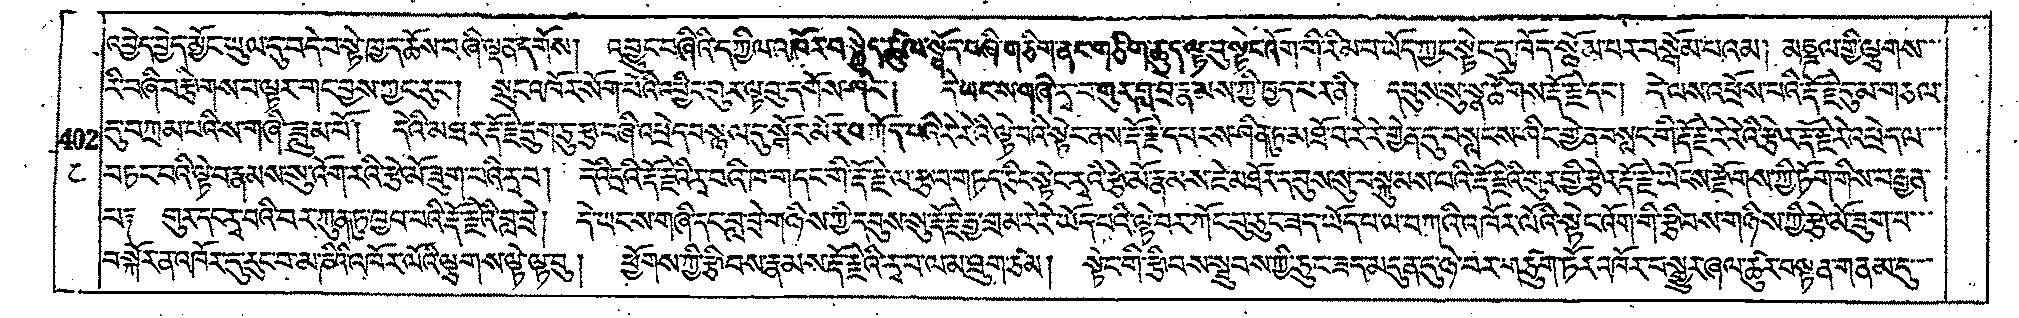འབྱེད་བྱེད་མྱོང་ཡུལ་དུ་བདེ་བ་སྟེ་ཁྱད་ཆོས་བཞི་ལྡན་དགོས། འབྱུང་བཞིའི་དཀྱིལ་འཁོར་བསྐྱེད་ཚུལ་སྣོད་བཞི་གཅིག་ནང་གཅིག་ཆུད་ལྟ་བུ་སྟེང་འོག་གི་རིམ་པ་ཡོད་ཀྱང་སྟེང་དུ་ཁོད་སྙོམ་པར་བསྒོམ་པའམ། མཎྜལ་གྱི་ལྕགས་་་
རི་བཞི་བརྩེགས་པ་ལྟར་གང་བྱས་ཀྱང་རུང་། སྲུང་འཁོར་སོག་པོའི་འཕྱིང་གུར་ལྟ་བུ་དགོས་ཤིང་། དེ་ཡང་ས་གཞི་རྭ་བ་གུར་བླ་བྲེ་རྣམས་ཀྱི་ཁྱད་པར་ནི། དབུས་སུ་སྣ་ཚོགས་རྡོ་རྗེ་དང་། དེ་ལས་འཕྲོས་པའི་རྡོ་རྗེ་དུ་མ་གཅལ་
དུ་བཀྲམ་པའི་ས་གཞི་ཟླུམ་པོ། དེའི་མཐར་རྡོ་རྗེ་དྲུག་ཅུ་རྩ་བཞི་འཕྲེད་བསྙལ་དུ་སྒོར་མོར་བཀོད་པའི་རེ་རེའི་ལྟེ་བའི་སྟེང་ནས་རྡོ་རྗེ་དཔངས་ཤིན་ཏུ་མཐོ་བ་རེ་རེ་གྱེན་དུ་བསླངས་ཤིང་གྱེན་བསླང་གི་རྡོ་རྗེ་རེ་རེའི་རྩེར་རྡོ་རྗེ་རེ་འཕྲེད་ལ་་་
བཏང་བའི་ལྟེ་བ་རྣམས་སུ་འོག་རའི་རྩེ་མོ་ཟུག་པའི་རྭ་བ། དེའི་དྲའི་རྡོ་རྗེའི་རྭ་བའི་ཁ་གདང་གི་རྡོ་རྗེ་ལ་རྩ་བ་གཏད་ཅིང་སྟེང་རྭའི་རྩེ་མོ་རྣམས་ཇེ་མཐོར་དབུས་སུ་བསྐུམས་པའི་རྡོ་རྗེའི་གུར་གྱི་རྩེར་རྡོ་རྗེ་ཡོངས་རྫོགས་ཀྱི་ཏོག་གིས་བརྒྱན་
པ༑ གུར་དང་རྭ་བའི་བར་ཀུན་ཏུ་ཁྱབ་པའི་རྡོ་རྗེའི་བླ་བྲེ། དེ་ཡང་ས་གཞི་དང་བླ་བྲེ་གཉིས་ཀྱི་དབུས་སུ་རྡོ་རྗེ་རྒྱ་གྲམ་རེ་རེ་ཡོད་པའི་ལྟེ་བར་ཀོང་བུ་ཅུང་ཟད་ཡོད་པ་ལ་བཀའི་འཁོར་ལོའི་སྟེང་འོག་གི་རྩིབས་གཉིས་ཀྱི་རྩེ་མོ་ཟུག་པ་་་
བསྐོར་ན་འཁོར་དུ་རུང་བ་མ་ཎིའི་འཁོར་ལོའི་ལྕགས་ལྟེ་ལྟ་བུ། ཕྱོགས་ཀྱི་རྩིབས་རྣམས་རྡོ་རྗེའི་རྭ་བ་ལ་མ་ཐུག་ཙམ། སྟེང་གི་རྩིབས་སྦུབས་ཀྱི་ཅུང་ཟད་མདུན་དུ་ཉེ་བར་གཙུག་ཏོར་འཁོར་བསྒྱུར་ཞལ་ཚུར་བལྟན་གནམ་དུ་་་